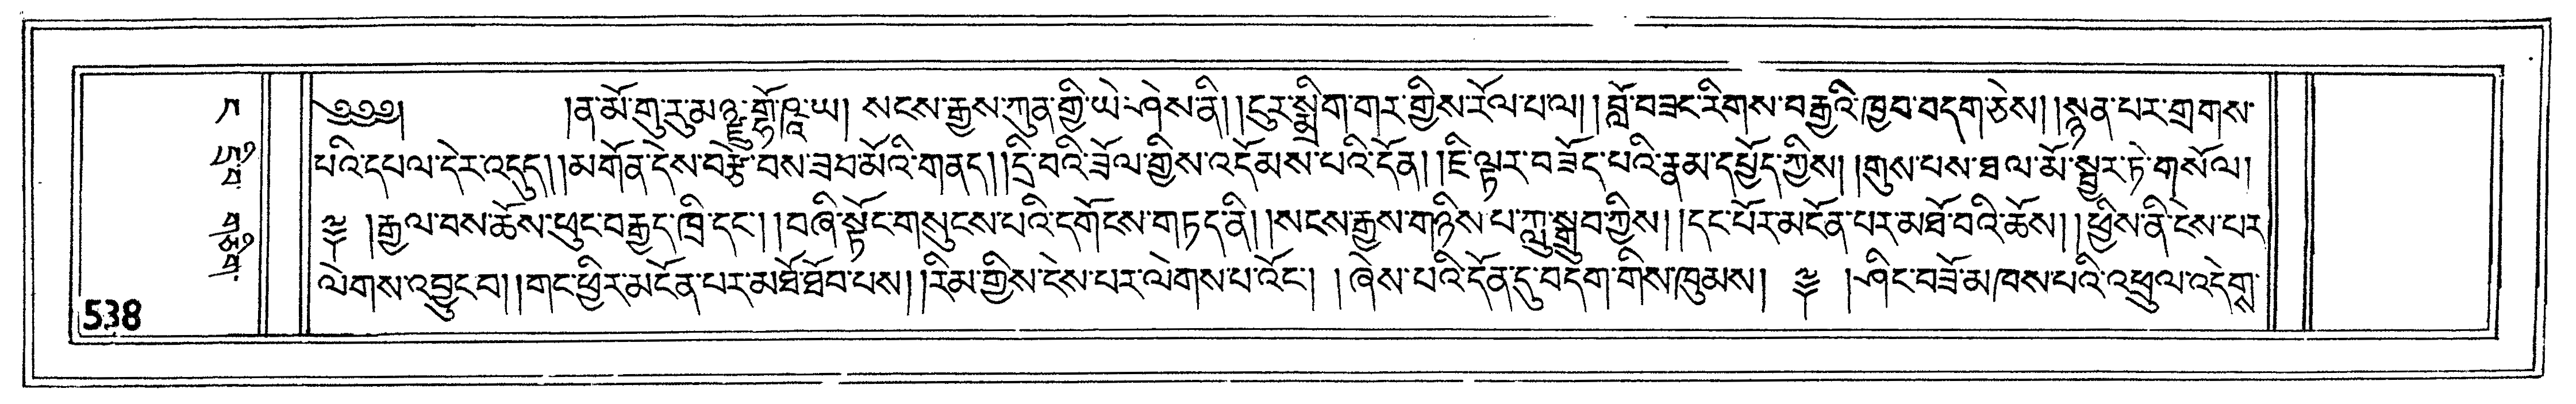༄༅༅། །ན་མོ་གུ་རུ་མཉྫུ་གྷོ་ཥཱ་ཡ། སངས་རྒྱས་ཀུན་གྱི་ཡེ་ཤེས་ནི། །ངུར་སྨྲིག་གར་གྱིས་རོལ་པ་ལ། །བློ་བཟང་རིགས་བརྒྱའི་ཁྱབ་བདག་ཅེས། །སྙན་པར་གྲགས་
པའི་དཔལ་དེར་འདུད། །མགོན་དེས་བརྩེ་བས་ཟབ་མོའི་གནད། །དྲི་བའི་ཟོལ་གྱིས་འདོམས་པའི་དོན། །ཇི་ལྟར་བཟོད་པའི་རྣམ་དཔྱོད་ཀྱིས། །གུས་པས་ཐལ་མོ་སྦྱར་ཏེ་གསོལ།
༈ །རྒྱལ་བས་ཆོས་ཕུང་བརྒྱད་ཁྲི་དང་། །བཞི་སྟོང་གསུངས་པའི་དགོངས་གཏད་ནི། །སངས་རྒྱས་གཉིས་པ་ཀླུ་སྒྲུབ་ཀྱིས། །དང་པོར་མངོན་པར་མཐོ་བའི་ཆོས། །ཕྱིས་ནི་ངེས་པར་
ལེགས་འབྱུང་བ། །གང་ཕྱིར་མངོན་པར་མཐོ་ཐོབ་པས། །རིམ་གྱིས་ངེས་པར་ལེགས་པ་འོང་། །ཞེས་པའི་དོན་དུ་བདག་གིས་ཁུམས། ༈ །ཤིང་བཟོ་མཁས་པའི་འཕྲུལ་འདེགས་